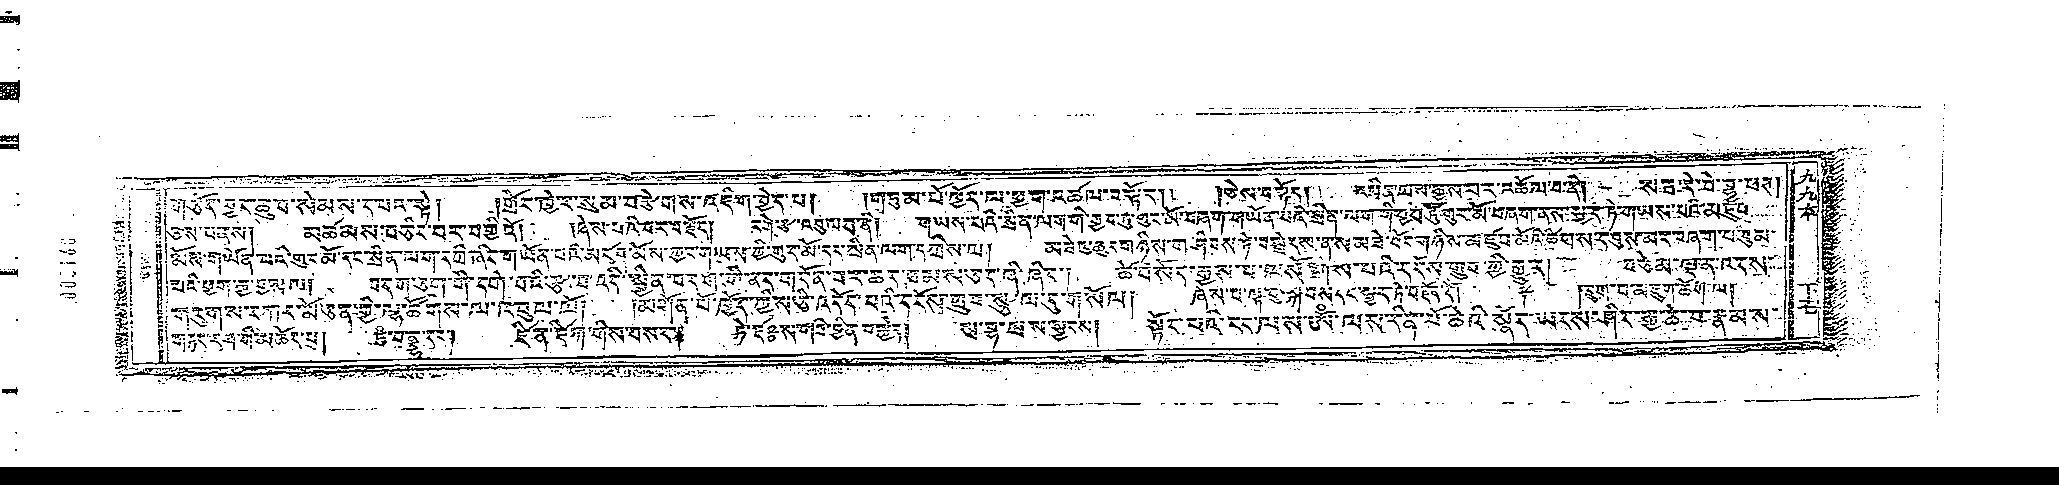གཅོད་བྱང་ཆུབ་སེམས་དཔའ་སྟེ། །གྲོང་ཁྱེར་སུམ་བརྩེགས་འཇིག་བྱེད་པ། །གཏུམ་པོ་ཁྱོད་ལ་ཕྱག་འཚལ་བསྟོད། །ཅེས་བསྟོད། འཕྲིན་ལས་རྒྱས་བར་འཆོལ་བ་ནི། སརྦ་དེ་བེ་བྷྱ་ཕཊ།
ཅེས་པ་ནས། མཚམས་བཅིང་བར་བགྱིའོ། །ཞེས་པའི་བར་བརྗོད། དགེ་རྩ་འྟུལ་བ་ནི། གཡས་པའི་སྲིན་ལག་གི་རྒྱབ་ཏུ་གུང་མོ་བཞག་གཡོན་པའི་སྲིན་ལག་གི་རྒྱབ་ཏུ་གུང་མོ་བཞག་ནས་སྦྱར་ཏེ་གཡས་པའི་མཛུབ་
མོས་གཡོན་པའི་གུང་མོ་དང་སྲིན་ལག་དཀྲི་ཞིང་གཡོན་པའི་མཛུབ་མོས་ཀྱང་གཡས་ཀྱི་གུང་མོ་དང་སྲིན་ལག་དཀྲིས་ལ། མཐེའུ་ཆུང་གཉིས་གཤིབས་ཏེ་བསྒྲེངས་ནས་མཐེ་བོང་གཉིས་མཛུབ་མོའི་ཚིགས་དབུས་མར་བཞག་པ་བུམ་
པའི་ཕྱག་རྒྱ་བྱས་ལ། བདག་ཅག་གི་དགེ་བའི་རྩ་བ་འདི་སྦྱིན་པ་བདག་གི་ནད་གདོན་པར་ཆད་ཐམས་ཅད་ཞི་ཞིང་། ཚེ་བསོད་རྒྱས་པ་ལ་སོགས་པའི་དངོས་གྲུབ་ཀྱི་རྒྱུར། བཅོམ་ལྡན་འདས་
གདུགས་དཀར་མོ་ཅན་གྱི་ལྷ་ཚོགས་ལ་འབུལ་ལོ། །མགོན་པོ་ཁྱོད་ཀྱིས་ཅི་འདོད་པའི་དངོས་གྲུབ་སྩལ་དུ་གསོལ། ཞེས་པ་ལྟ་བུ་སྐབས་དང་སྦྱར་ཏེ་བརྗོད་དོ། ༈ །དྲུག་པ་མཇུག་ཆོག་ལ།
གཏང་རག་གི་མཆོད་པ། ཏྲི་བནྡྷ་དང་། ཛི་ན་ཛི་ཀ་གིས་བསང་། ཏེ་ཛཿ་ས་གཟི་བྱིན་བསྐྱེད། སྭ་བྷ་ཝས་སྦྱངས། སྟོང་པའི་ངང་ལས་ཨོཾ་ལས་རིན་པོ་ཆེའི་སྣོད་ཡངས་ཤིང་རྒྱ་ཆེ་བ་རྣམས་